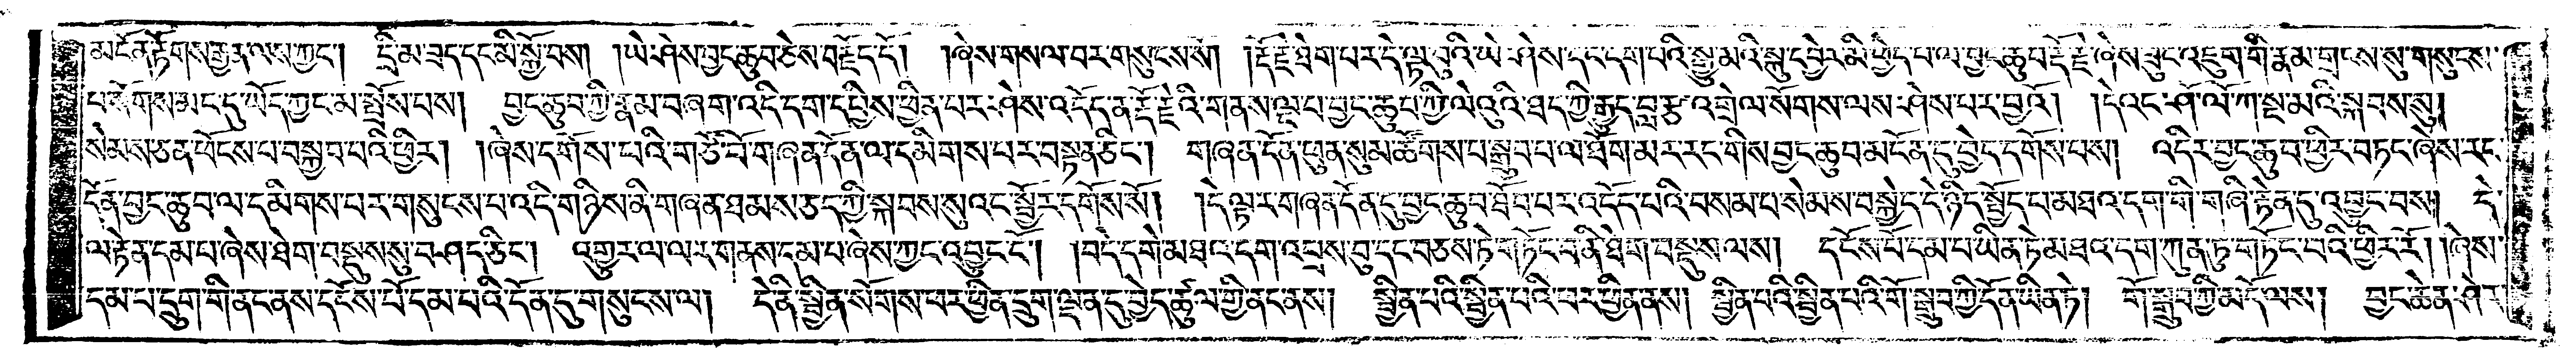མངོན་རྟོགས་རྒྱན་ལས་ཀྱང་། དྲི་མ་ཟད་དང་མི་སྐྱོ་བས། །ཡེ་ཤེས་བྱང་ཆུབ་ཅེས་བརྗོད་དོ། །ཞེས་གསལ་བར་གསུངས་སོ། །རྡོ་རྗེ་ཐེག་པར་དེ་ལྟ་བུའི་ཡེ་ཤེས་དང་ངག་པའི་སྒྱུར་མའི་སྐུ་དབྱེར་མི་ཕྱེད་པ་ལ་བྱང་ཆུབ་རྡོ་རྗེ་ཞེས་ཟུང་འཇུག་གི་རྣམ་གྲངས་སུ་གསུངས་
པ་སོགས་མང་དུ་ཡོད་ཀྱང་མ་སྤྲོས་པས། བྱང་ཆུབ་ཀྱི་རྣམ་བཞག་འདི་དག་དཔྱིས་ཕྱིན་པར་ཤེས་འདོད་ན་རྡོ་རྗེའི་གནས་ལྔ་པ་བྱང་ཆུབ་ཀྱི་ལེའུའི་ཐད་ཀྱི་རྒྱུད་བླ་རྩ་འགྲེལ་སོགས་ལས་ཤེས་པར་བྱའོ། །དེའང་ཤོ་ལོ་ཀ་སྔ་མའི་སྐབས་སུ།
སེམས་ཅན་ཕོངས་པ་བསྐྱབ་པའི་ཕྱིར། །ཞེས་དགོས་པའི་གཙོ་བོ་གཞན་དོན་ལ་དམིགས་པར་བསྟན་ཅིང་། གཞན་དོན་ཕུན་སུམ་ཚོགས་པ་སྒྲུབ་པ་ལ་ཐོག་མར་རང་གིས་བྱང་ཆུབ་མངོན་དུ་བྱེད་དགོས་པས། འདིར་བྱང་ཆུབ་ཕྱིར་བཏང་ཞེས་རང་
དོན་བྱང་ཆུབ་ལ་དམིགས་པར་གསུངས་བ་འདི་གཉིས་ནི་གཞན་ཐམས་ཅད་ཀྱི་སྐབས་སུའང་སྦྱོར་དགོས་སོ། །དེ་ལྟར་གཞན་དོན་དུ་བྱང་ཆུབ་ཐོབ་པར་འདོད་པའི་བསམ་བ་སེམས་བསྐྱེད་དེ་ཉིད་སྤྱོད་པ་མཐའ་དག་གི་གཞི་རྟེན་དུ་འབྱུང་བས། དེ་
ལ་རྟེན་དམ་པ་ཞེས་ཐེག་བསྡུས་སུ་བཤད་ཅིང་། འགྱུར་ལ་ལར་གནས་དམ་བ་ཞེས་ཀྱང་འབྱུང་ངོ། །བདེ་དགེ་མཐའ་དག་འབྲས་བུ་དང་བཅས་ཏེ་གཏོང་བ་ནི་ཐེག་བསྡུས་ལས། དངོས་བོ་དམ་པ་ཡིན་ཏེ་མཐའ་དག་ཀུན་ཏུ་གཏོང་བའི་ཕྱིར་རོ། །ཞེས་
དམ་པ་དྲུག་གི་ནང་ནས་དངོས་བོ་དམ་པའི་དོན་དུ་གསུངས་ལ། དེ་ནི་སྦྱིན་སོགས་ཕར་ཕྱིན་དྲུག་ལྡན་དུ་བྱེད་ཚུལ་གྱི་ནང་ནས། སྦྱིན་པའི་སྦྱིན་བའི་ཕར་ཕྱིན་ནས། སྦྱིན་པའི་སྦྱིན་བའི་གོ་སྒྲུབ་ཀྱི་དོན་ཡིན་ཏེ། གོ་སྒྲུབ་ཀྱི་མདོ་ལས། བྱང་ཆེན་ཤེར་